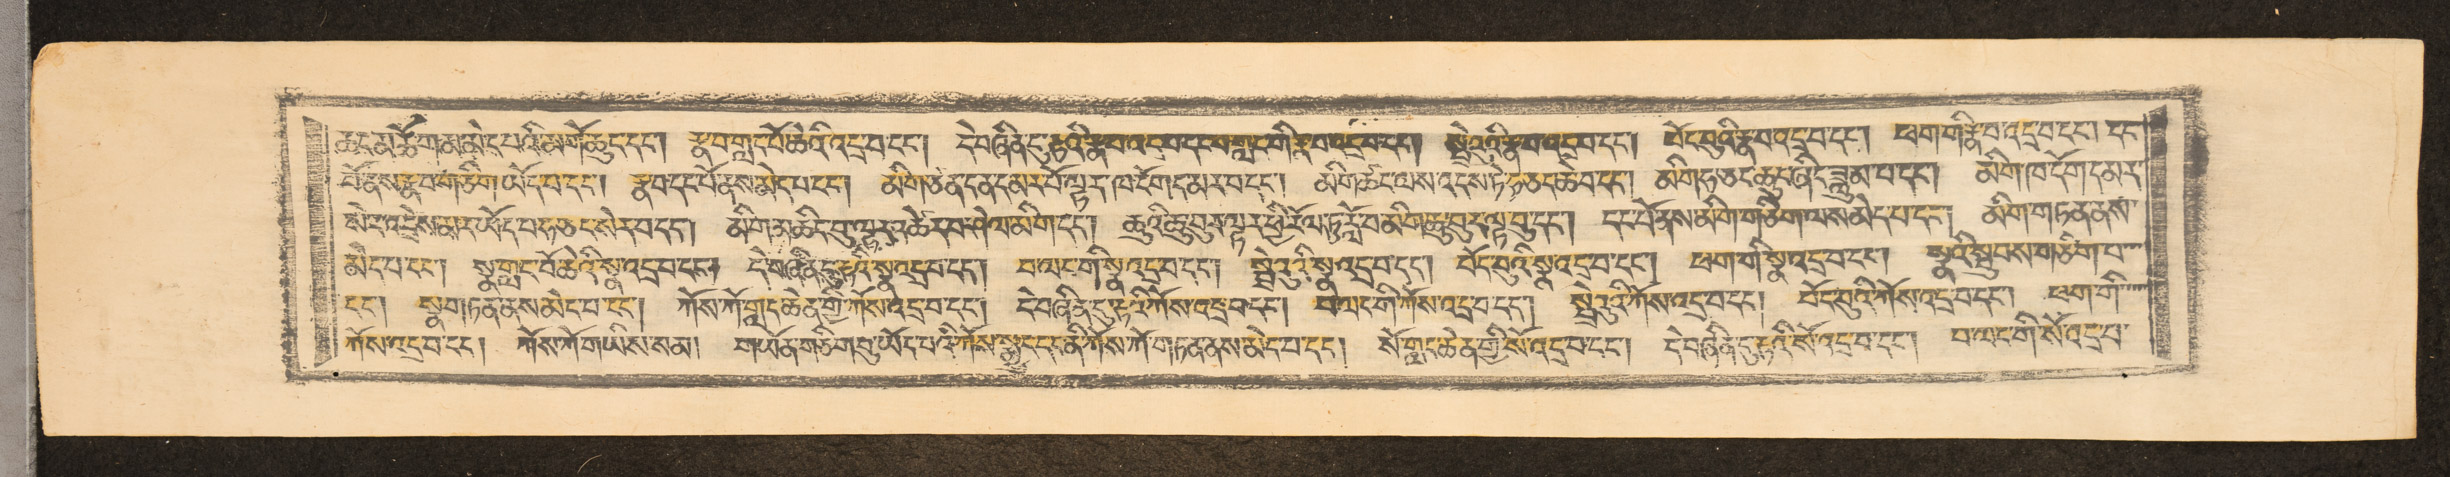ཆད་མཆོག་མ་མེད་པའི་མགོ་ཆུང་དང་། རྣ་བ་གླང་པོ་ཆེའི་འདྲ་བ་དང་། དེ་བཞིན་དུ་རྟའི་རྣ་བ་འདྲ་བ་དང་བ་གླང་གི་རྣ་བ་འདྲ་བ་དང་། སྤྲེའུའི་རྣ་བ་འདྲ་བ་དང་། བོང་བུའི་རྣ་བ་འདྲ་བ་དང་། ཕག་གི་རྣ་བ་འདྲ་བ་དང་། དང་
པོ་ནས་རྣ་བ་གཅིག་ཡོད་པ་དང་། རྣ་བ་དང་པོ་ནས་མེད་པ་དང་། མིག་ཙན་དན་དམར་པོ་ལྟར་ཁ་དོག་དམར་བ་དང་། མིག་ཚད་ལས་འདས་ཏེ་ཧ་ཅང་ཆེ་བ་དང་། མིག་ཧ་ཅང་ཆུང་ཞིང་ཟླུམ་པ་དང་། མིག་ཁ་དོག་དམར་
སེར་འདྲེས་མར་ཡོད་པ་ཧ་ཅང་སེར་བ་དང་། མིག་མཆིང་བུ་ལྟར་འཚེར་བ་ཤེལ་མིག་དང་། ཆུའི་ཆུ་བུར་ལྟར་ཕྱི་རོལ་ཏུ་རློ་བ་མིག་ཆུ་བུར་ལྟ་བུ་དང་། དང་པོ་ནས་མིག་གཅིག་ལས་མེད་པ་དང་། མིག་གཏན་ནས་
མེད་པ་དང་། སྣ་གླང་པོ་ཆེའི་སྣ་འདྲ་བ་དང་། དེ་བཞིན་དུ་རྟའི་སྣ་འདྲ་བ་དང་། བ་ལང་གི་སྣ་འདྲ་བ་དང་། སྤྲེའུའི་སྣ་འདྲ་བ་དང་། བོང་བུའི་སྣ་འདྲ་བ་དང་། ཕག་གི་སྣ་འདྲ་བ་དང་། སྣའི་སྦུབས་གཅིག་པ་
དང་། སྣ་གཏན་ནས་མེད་པ་དང་། ཀོས་ཀོ་གླང་ཆེན་གྱི་ཀོས་འདྲ་བ་དང་། དེ་བཞིན་དུ་རྟའི་ཀོས་འདྲ་བ་དང་། བ་ལང་གི་ཀོས་འདྲ་བ་དང་། སྤྲེའུའི་ཀོས་འདྲ་བ་དང་། བོང་བུའི་ཀོས་འདྲ་བ་དང་། ཕག་གི་
ཀོས་འདྲ་བ་དང་། ཀོས་ཀོ་གཡས་སམ། གཡོན་གཅིག་དུ་ཡོད་པའི་ཀོས་སྨྱུང་དང་ནི་ཀོས་ཀོ་གཏན་ནས་མེད་པ་དང་། སོ་གླང་ཆེན་གྱི་སོ་འདྲ་བ་དང་། དེ་བཞིན་དུ་རྟའི་སོ་འདྲ་བ་དང་། བ་ལང་གི་སོ་འདྲ་བ་